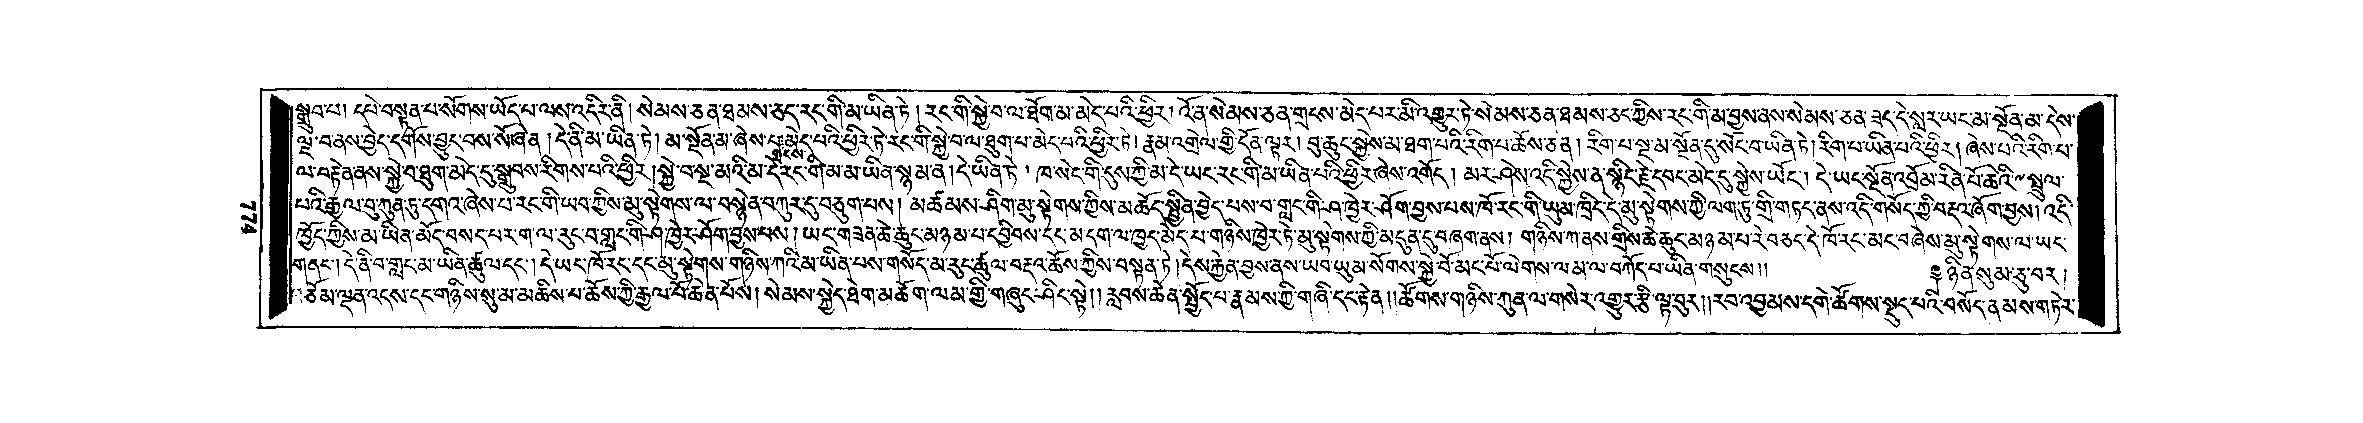སྒྲུབ་པ། དཔེ་བསྟན་པ་སོགས་ཡོད་པ་ལས་འདིར་ནི། སེམས་ཅན་ཐམས་ཅད་རང་གི་མ་ཡིན་ཏེ། རང་གི་སྐྱེ་བ་ལ་ཐོག་མ་མེད་པའི་ཕྱིར། འོ་ན་སེམས་ཅན་གྲངས་མེད་པར་མི་འགྱུར་ཏེ་སེམས་ཅན་ཐམས་ཅད་ཀྱིས་རང་གི་མ་བྱས་ནས་སེམས་ཅན་ཟད་དེ་སླར་ཡང་མ་སྔོན་མ་དེས་
ལྔ་བ་ནས་བྱེད་དགོས་བྱུང་བས་སོ་ཞེན། དེ་ནི་མ་ཡིན་ཏེ། མ་སྔོན་མ་ཞེས་པ་གྲངས་མེད་པའི་ཕྱིར་ཏེ་རང་གི་སྐྱེ་བ་ལ་ཐུག་པ་མེད་པའི་ཕྱིར་ཏེ། རྣམ་འགྲེལ་གྱི་དོན་ལྟར། བུ་ཆུང་སྐྱེས་མ་ཐག་པའི་རིག་པ་ཆོས་ཅན། རིག་པ་སྔ་མ་སྔོན་དུ་སོང་བ་ཡིན་ཏེ། རིག་པ་ཡིན་པའི་ཕྱིར། ཞེས་པའི་རིག་པ་
ལ་བརྟེན་ནས་སྐྱེ་བ་ཐུག་མེད་དུ་སྒྲུབས་རིགས་པའི་ཕྱིར། སྐྱེ་བ་སྔ་མའི་མ་དེ་རང་གི་མ་མ་ཡིན་སྙམ་ན། དེ་ཡིན་ཏེ། ཁ་སེང་གི་དུས་ཀྱི་མ་དེ་ཡང་རང་གི་མ་ཡིན་པའི་ཕྱིར་ཞེས་འགོད། མར་ཤེས་འདི་སྐྱེས་ན་སྙིང་རྗེ་དབང་མེད་དུ་སྐྱེས་ཡོང་། དེ་ཡང་སྔོན་འབྲོམ་རིན་པོ་ཆེའི ༧སྤྲུལ་
པའི་རྒྱལ་བུ་ཀུན་ཏུ་དགའ་ཞེས་པ་རང་གི་ཡབ་ཀྱིས་མུ་སྟེགས་ལ་བསྙེན་བཀུར་དུ་བཅུག་པས། མཚམས་ཤིག་མུ་སྟེགས་ཀྱིས་མཆོད་སྦྱིན་བྱེད་པས་བ་གླང་གི་ཤ་ཁྱེར་ཤོག་བྱས་པས་ཁོ་རང་གི་ཡུམ་ཁྲིད་དེ་མུ་སྟེགས་ཀྱི་ལག་ཏུ་གྲི་གཏད་ནས་འདི་གསོད་ཀྱི་བརྡའ་ཞོག་བྱས། འདི་
ཁྱོད་ཀྱིས་མ་ཡིན་མོད་བསད་པར་ག་ལ་རུང་བ་གླང་གི་ཤ་ཁྱེར་ཤོག་བྱས་པས། ཡང་གཟན་ཆེ་ཆུང་མཉམ་པ་དབྱིབས་དང་མ་དག་ལ་ཁྱད་མེད་པ་གཉིས་ཁྱེར་ཏེ་མུ་སྟེགས་ཀྱི་མདུན་དུ་བཞག་ནས། གཉིས་ཀ་ནས་གྲིས་ཆེ་ཆུང་མཉམ་པ་རེ་བཅད་དེ་ཁོ་རང་མང་བཞེས་མུ་སྟེགས་ལ་ཡང་
གནང་། དེ་ནི་བ་གླང་མ་ཡིན་ཚུལ་དང་། དེ་ཡང་ཁོ་རང་དང་མུ་སྟེགས་གཉིས་ཀའི་མ་ཡིན་པས་གསོད་མ་རུང་ཚུལ་བརྡའ་ཆོས་ཀྱིས་བསྟན་ཏེ། དེས་རྐྱེན་བྱས་ནས་ཡབ་ཡུམ་སོགས་སྐྱེ་བོ་མང་པོ་ལེགས་ལམ་ལ་བཀོད་པ་ཡིན་གསུངས།། ༈ ཉིན་སུམ་ཅུ་བར།
བཅོམ་ལྡན་འདས་དང་གཉིས་སུ་མ་མཆིས་པ་ཆོས་ཀྱི་རྒྱལ་པོ་ཆེན་པོས། སེམས་སྐྱེད་ཐེག་མཆོག་ལམ་གྱི་གཞུང་ཤིང་སྟེ། །རླབས་ཆེན་སྤྱོད་པ་རྣམས་ཀྱི་གཞི་དང་རྟེན། །ཚོགས་གཉིས་ཀུན་ལ་གསེར་འགྱུར་རྩི་ལྟ་བུར། །རབ་འབྱམས་དགེ་ཚོགས་སྡུད་པའི་བསོད་ནམས་གཏེར་